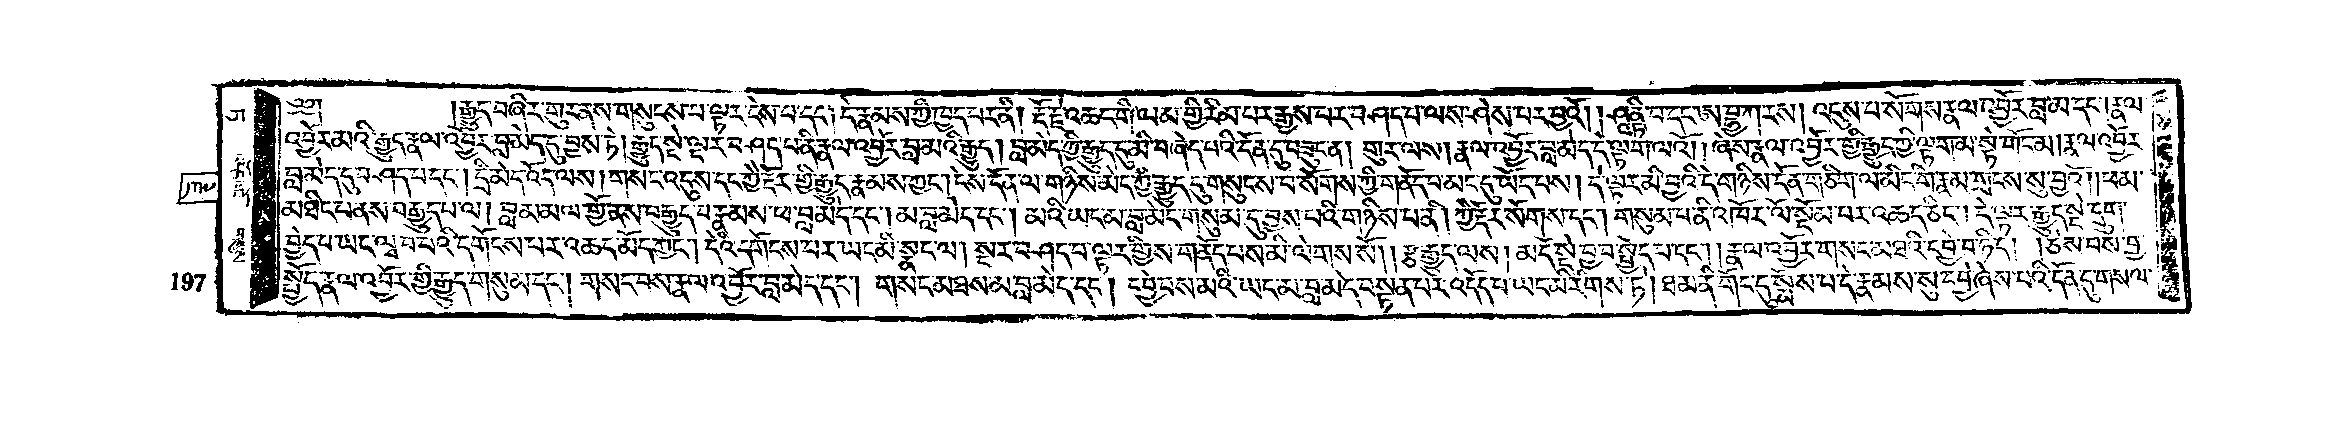༄༅། །རྒྱུད་བཞིར་གུར་ནས་གསུངས་པ་ལྟར་ངེས་པ་དང་། དེ་རྣམས་ཀྱི་ཁྱད་པར་ནི། རྡོ་རྗེ་འཆང་གི་ལམ་གྱི་རིམ་པར་རྒྱས་པར་བཤད་པ་ལས་ཤེས་པར་བྱའོ། །ཤཱནྟི་པ་དང་ཨ་བྷྱ་ཀ་རས། འདུས་པ་སོགས་རྣལ་འབྱོར་བླ་མ་དང་། རྣལ་
འབྱོར་མའི་རྒྱུད་རྣལ་འབྱོར་བླ་མེད་དུ་བྱས་ཏེ། རྒྱུད་སྡེ་ལྔར་བཤད་པ་ནི་རྣལ་འབྱོར་བླ་མའི་རྒྱུད། བླ་མེད་ཀྱི་རྒྱུད་དུ་མི་བཞེད་པའི་དོན་དུ་བཟུང་ན། གུར་ལས། རྣལ་འབྱོར་བླ་མེད་དེ་ལྟག་ལའོ། །ཞེས་རྣལ་འབྱོར་གྱི་རྒྱུད་ཀྱི་ལྟག་མ་སྟེ་གོང་མ། རྣལ་འབྱོར་
བླ་མེད་དུ་བཤད་པ་དང་། དྲི་མེད་འོད་ལས། གསང་འདུས་དང་ཀྱཻ་རྡོར་གྱི་རྒྱུད་རྣམས་ཀྱང་། ངེས་དོན་ལ་གཉིས་མེད་ཀྱི་རྒྱུད་དུ་གསུངས་པ་སོགས་ཀྱི་གནོད་པ་མང་དུ་ཡོད་པས། དེ་ལྟར་མི་བྱའི་དེ་གཉིས་དོན་གཅིག་ལ་མིང་གི་རྣམ་གྲངས་སུ་བྱའོ། །ཕམ་
མཐིང་པ་ནས་བརྒྱུད་པ་ལ། བླ་མ་མལ་གྱོ་ནས་བརྒྱུད་པ་རྣམས་ཕ་བླ་མེད་དང་། མ་བླ་མེད་དང་། མའི་ཡང་མ་བླ་མེད་གསུམ་དུ་བྱས་པའི་གཉིས་པ་ནི། ཀྱཻ་རྡོར་སོགས་དང་། གསུམ་པ་ནི་འཁོར་ལོ་སྡོམ་པར་འཆད་ཅིང་། དེ་ལྟར་རྒྱུད་སྡེ་དྲུག་
བྱེད་པ་ཡང་ལྭ་བ་པའི་དགོངས་པར་འཆད་མོད་ཀྱང་། དེའི་དགོངས་པར་ཡང་མི་སྣང་ལ། སྔར་བཤད་པ་ལྟར་གྱིས་གནོད་པས་མི་ལེགས་སོ། །རྩ་རྒྱུད་ལས། མདོ་སྡེ་བྱ་བ་སྤྱོད་པ་དང་། །རྣལ་འབྱོར་གསང་མཐའི་དབྱེ་བ་ཉིད། །ཅེས་པས་བྱ་
སྤྱོད་རྣལ་འབྱོར་གྱི་རྒྱུད་གསུམ་དང་། གསང་བས་རྣལ་འབྱོར་བླ་མེད་དང་། གསང་མཐས་མ་བླ་མེད་དང་། དབྱེ་བས་མའི་ཡང་མ་བླ་མེད་བསྟན་པར་འདོད་པ་ཡང་མི་རིགས་ཏེ། ཐ་མ་ནི་གོང་དུ་སྨོས་པ་དེ་རྣམས་སུ་དབྱེ་ཞེས་པའི་དོན་དུ་གསལ་